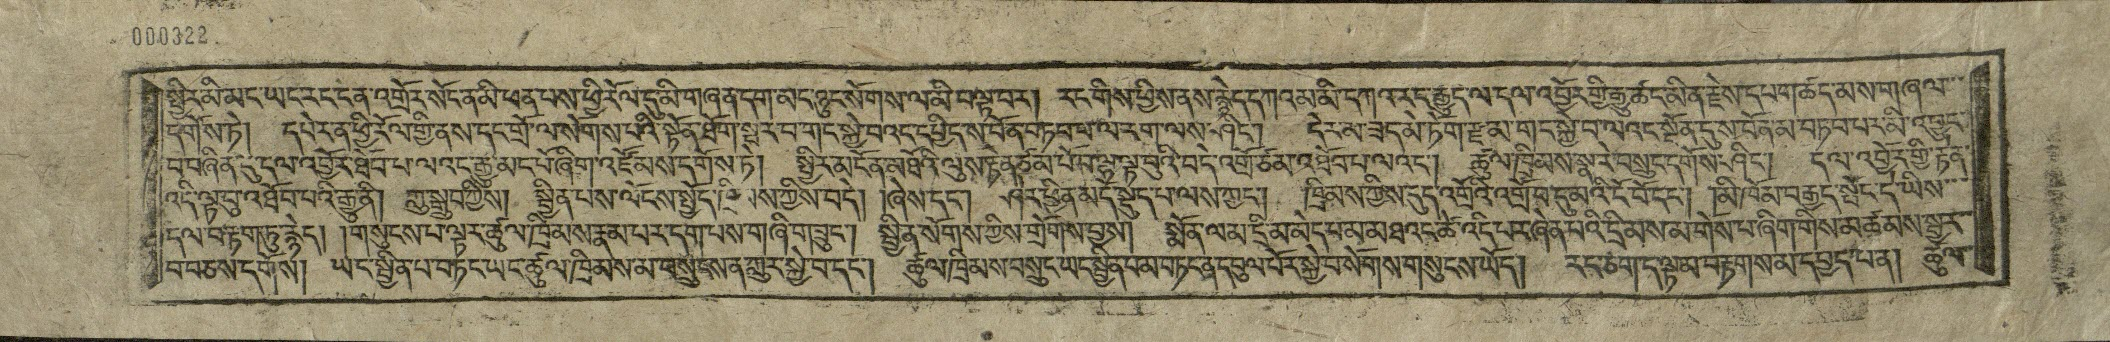སྤྱིར་མི་མང་ཡང་རང་ངན་འགྲོར་སོང་ན་མི་ཕན་པས་ཕྱི་རོལ་དུ་མི་གཞན་དག་མང་ཉུང་སོགས་ལ་མི་བལྟ་བར། རང་གིས་ཕྱིས་ནས་རྙེད་དཀའ་མ་མི་དཀའ་རང་རྒྱུད་ལ་དལ་འབྱོར་གྱི་རྒྱུ་ཚང་མིན་རྗེས་དཔག་ཚད་མས་གཞལ་
དགོས་ཏེ། དཔེར་ན་ཕྱི་རོལ་གྱི་ནས་དང་གྲོ་ལ་སོགས་པའི་སྟོན་ཐོག་སྤར་བ་གང་སྐྱེ་བའང་དཔྱིད་ས་བོན་བཏབ་པ་ལ་རག་ལས་ཤིང་། དེར་མ་ཟད་མེ་ཏོག་རྫ་མ་གང་སྐྱེ་བ་ལའང་སྔོན་དུ་ས་བོན་མ་བཏབ་པར་མི་འབྱུང་
བ་བཞིན་དུ་དལ་འབྱོར་ཐོབ་པ་ལའང་རྒྱུ་མང་པོ་ཞིག་འཛོམས་དགོས་ཏེ། སྤྱིར་མངོན་མཐོའི་ལུས་རྟེན་ཙམ་པོ་བ་ལྷ་ལྟ་བུའི་བདེ་འགྲོ་ཙམ་འཐོབ་པ་ལའང་། ཚུལ་ཁྲིམས་སྣ་རེ་བསྲུང་དགོས་ཤིང་། དལ་འབྱོར་གྱི་རྟེན་
འདི་ལྟ་བུ་འཐོབ་པའི་རྒྱུ་ནི། ཀླུ་སྒྲུབ་ཀྱིས། སྦྱིན་པས་ལོངས་སྤྱོད་ཁྲིམས་ཀྱིས་བདེ། །ཞེས་དང་། ཤེར་ཕྱིན་མདོ་སྡུད་པ་ལས་ཀྱང་། ཁྲིམས་ཀྱིས་དུད་འགྲོའི་འགྲོ་བ་དུ་མའི་ངོ་བོ་དང་། །མི་ཁོམ་བརྒྱད་སྤོང་དེ་ཡིས་
དལ་བ་རྟག་ཏུ་རྙེད། །གསུངས་པ་ལྟར་ཚུལ་ཁྲིམས་རྣམ་པར་དག་པས་གཞི་གཟུང་། སྦྱིན་སོགས་ཀྱིས་གྲོགས་བྱས། སྨོན་ལམ་དྲི་མ་མེད་པ་མ་མཐའང་ཚེ་འདི་པར་ཞེན་པའི་དྲི་མས་མ་གོས་པ་ཞིག་གིས་མཚམས་སྦྱར་
བ་བཅས་དགོས། ཡང་སྦྱིན་པ་བཏང་ཡང་ཚུལ་ཁྲིམས་མ་བསྲུངས་ན་ཀླུར་སྐྱེ་བ་དང་། ཚུལ་ཁྲིམས་བསྲུང་ཡང་སྦྱིན་པ་མ་བཏང་ན་དབུལ་པོར་སྐྱེ་བ་སོགས་གསུངས་ཡོད། རང་ཅག་ད་ལྟ་མ་བརྟགས་མ་དཔྱད་པ་ན། ཚུལ་